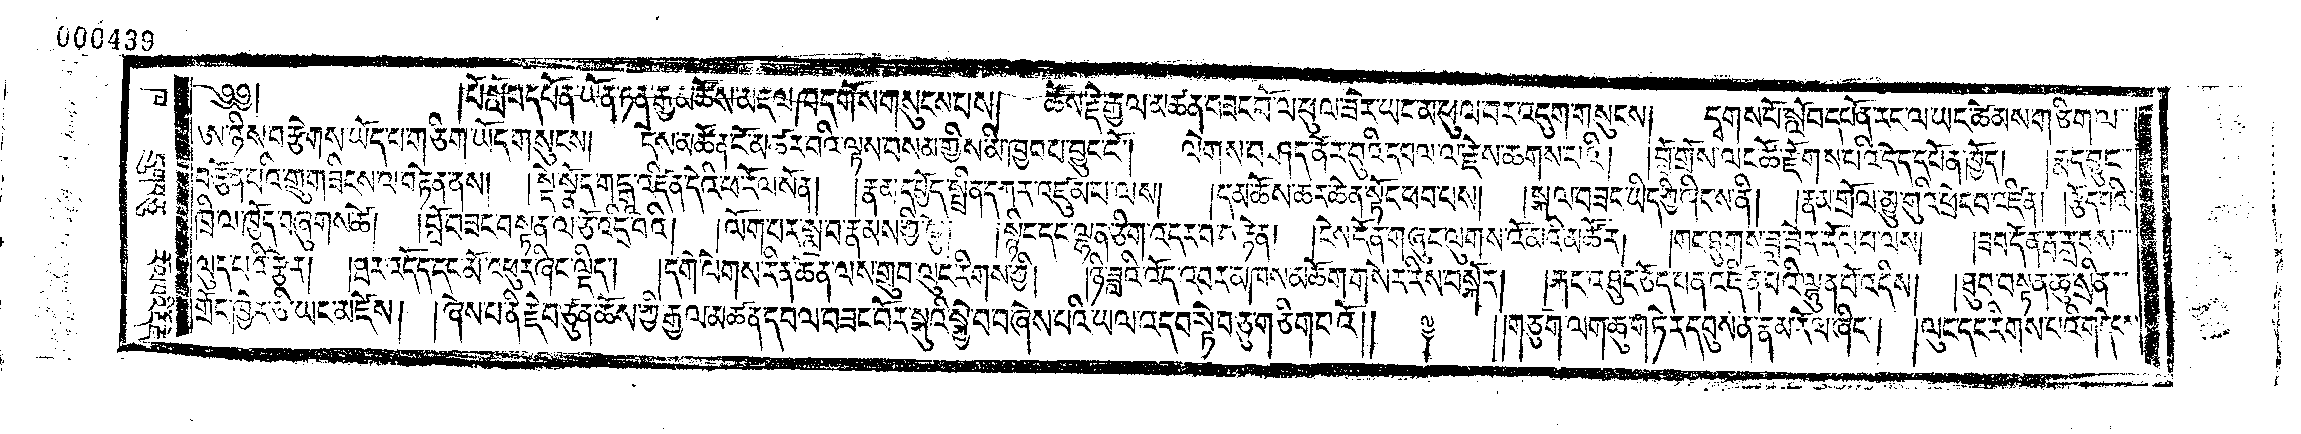༄༅། །པོ་སློབ་དཔོན་ཡོན་ཏན་རྒྱ་མཚོས་མཇལ་ཁ་དགོས་གསུངས་པས། ཆོས་རྗེ་རྒྱལ་མཚན་བཟང་པོ་ལ་ཕུལ་ཟེར་ཡང་མ་ཕུལ་བར་འདུག་གསུངས། དྭགས་པོ་སློབ་དཔོན་རང་ལ་ཡང་ཚེམས་གཅིག་ལ་
ཨ་ཉིས་བརྩེགས་ཡོད་པ་གཅིག་ཡོད་གསུངས། དེས་མཚོན་ངོ་མཚར་བའི་ལྟས་བསམ་གྱིས་མི་ཁྱབ་པ་བྱུང་ངོ། ལེགས་བཤད་ནོར་བུའི་དཔལ་ལ་རྗེས་ཆགས་པའི། །བློ་གྲོས་ལང་ཚོ་རྫོགས་པའི་དེད་དཔོན་ཁྱོད། །རྨད་བྱུང་
བརྩོན་པའི་གྲུ་གཟིངས་ལ་བརྟེན་ནས། །སྡེ་སྣོད་གངྒཱ་འཛིན་དེའི་ཕ་རོལ་སོན། །རྣམ་དཔྱོད་སྤྲིན་དཀར་འཛུམ་པ་ལས། །དམ་ཆོས་ཆར་ཆེན་སྟོང་ཕབ་པས། །སྐལ་བཟང་ཡིད་ཀྱི་ཞིང་ས་ནི། །རྣམ་གྲོལ་མྱུ་གུའི་ཕྲེང་བ་འཛིན། །རྩོད་པའི་
ཁྲི་ལ་ཁྱོད་བཞུགས་ཚེ། །བློ་བཟང་བསྟན་ལ་ཅོ་འདྲི་བའི། །ལོག་བར་སྨྲ་བ་རྣམས་ཀྱི་ལྕེ། །སྙིང་དང་ལྷན་ཅིག་འདར་བ་བརྟེན། །ངེས་དོན་གཞུང་ལུགས་འོ་མའི་མཚོར། །གང་ཐུགས་ཟླ་ཟེར་རོལ་པ་ལས། །ཟབ་དོན་རྦ་རླབས་
ལུད་པའི་རྩེར། །ཐར་འདོད་དང་མོ་འཕུར་ཞིང་ལྡིང་། །དགེ་ལེགས་རིན་ཆེན་ལས་གྲུབ་ལུང་རིགས་ཀྱི། །ཉི་ཟླའི་འོད་འབར་མཁས་མཆོག་གསེར་རིས་བསྐོར། །རྐང་འཐུང་ཅོད་པན་འཛིན་པའི་ལྷུན་པོ་འདིས། །ཐུབ་བསྟན་ཆུ་སྲིན་
གྲོང་ཁྱེར་ཅི་ཡང་མཛེས། །ཞེས་པ་ནི་རྗེ་བཙུན་ཆོས་ཀྱི་རྒྱལ་མཚན་དཔལ་བཟང་པོར་སྐུའི་སྐྱེ་བ་བཞེས་པའི་ཡལ་འདབ་སྟེ་བཅུ་གཅིག་བའོ།། ༈ །།གཙུག་ལག་ཆུ་གཏེར་དབུས་ན་རྣམ་རོལ་ཞིང་། །ལུང་དང་རིགས་པའི་གདེངས་